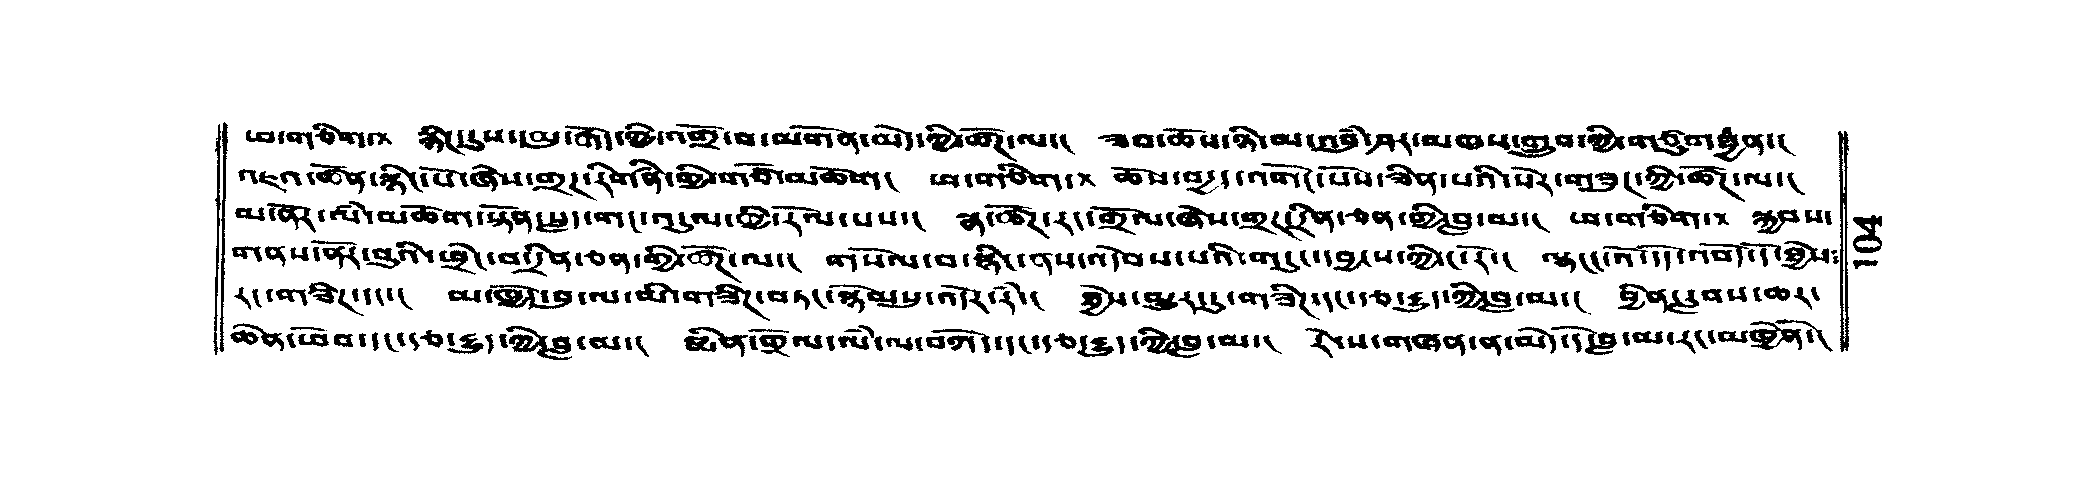།ཕ་གཅིག༴ །སྙིགས་དུས་དམུ་རྒོད་འགྲོ་བ་མགོན་མེད་ཀྱི་ཚོགས་ལ། །ཟབ་ཆོས་ཉི་མ་འབུམ་ཤར་མཁས་གྲུབ་ཀྱི་གཙུག་རྒྱན། །
འཇའ་ཚོན་སྙིང་པོ་ཞེས་གྲགས་རིག་འཛིན་གྱི་གཙོ་མཆོག།ཕ་གཅིག༴ །ཆོས་བརྒྱད་འགོང་པོས་ཟིན་པའི་སེར་གཟུགས་ཀྱི་ཚོགས་ལ། །
མ་ནོར་ལམ་མཆོག་སྟོན་སླད་གང་འདུལ་གྱིས་རོལ་པས། །སྣ་ཚོགས་རང་གྲོལ་ཞེས་གྲགས་དྲིན་ཅན་གྱི་བླ་མ། །ཕ་གཅིག༴ །སྐྱབས་
གནས་ནོར་བུའི་ཕྲེང་བ་དྲིན་ཅན་གྱི་ཚོགས་ལ། །གསོལ་བ་སྙིང་ནས་འདེབས་པའི་གདུང་དབྱངས་ཀྱི་ང་རོ། །ལྷང་ལྷང་འོ་དོད་འབོད་དོ་ཐུགས་རྗེས་
རང་གཟིགས་དང་། །ཕ་ཁྱོད་བུ་ལ་མི་གཟིགས་བཏང་སྙོམས་སུ་འདོར་རམ། །ཐུགས་རྗེས་མྱུར་དུ་གཟིགས་དང་རྩ་རྒྱུད་ཀྱི་བླ་མ། །བྱིན་རླབས་ཆར་
ཆེན་ཕོབས་དང་རྩ་རྒྱུད་ཀྱི་བླ་མ། །སྨིན་གྲོལ་ལམ་ལ་བཀོད་དང་རྩ་རྒྱུད་ཀྱི་བླ་མ། །རེ་ས་གཞན་ན་མེད་དོ་བླ་མ་རང་མཁྱེན་ནོ།